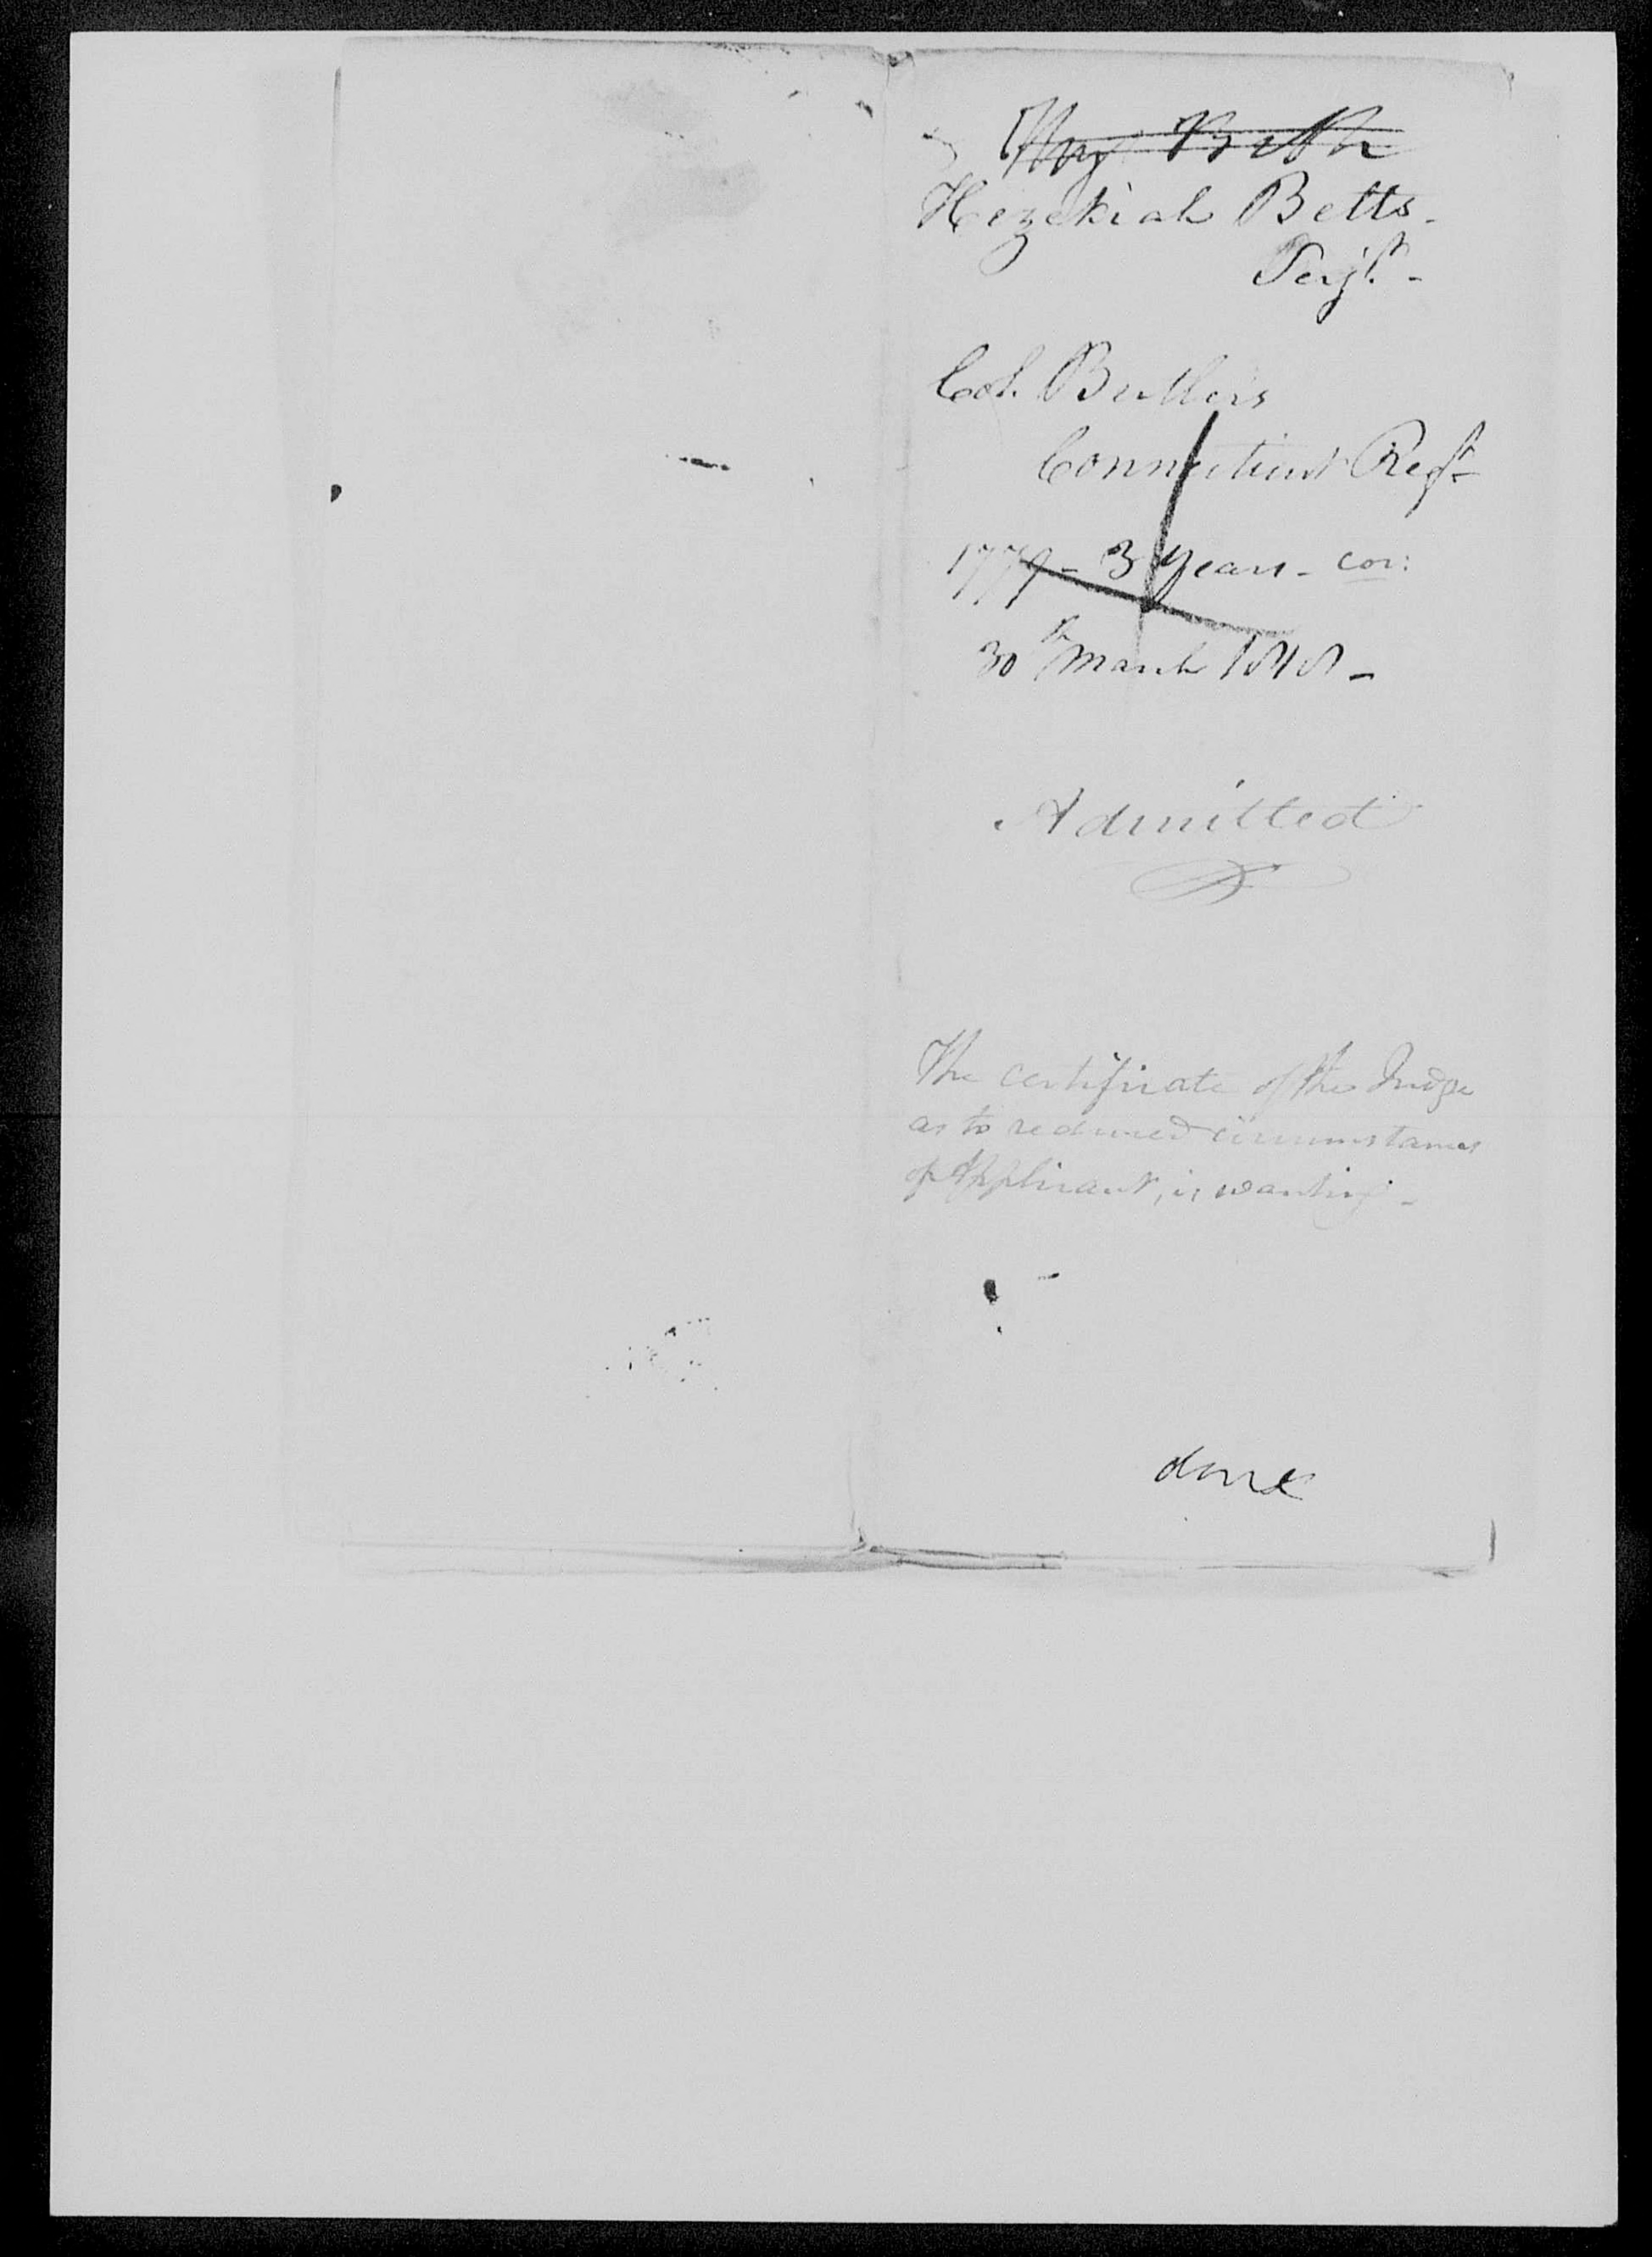Hezekiah Betts
Sergt
Col Butlers
Connecticut Regt
1779- 3 years-cor:
30th March 1818

Admitted

The certificate of the Judge
as to reduced circumstances
of applicant is wanting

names: Hezekiah Betts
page: 24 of 61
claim: widow's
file: W. 29,929, Hezekiah Betts, Conn.